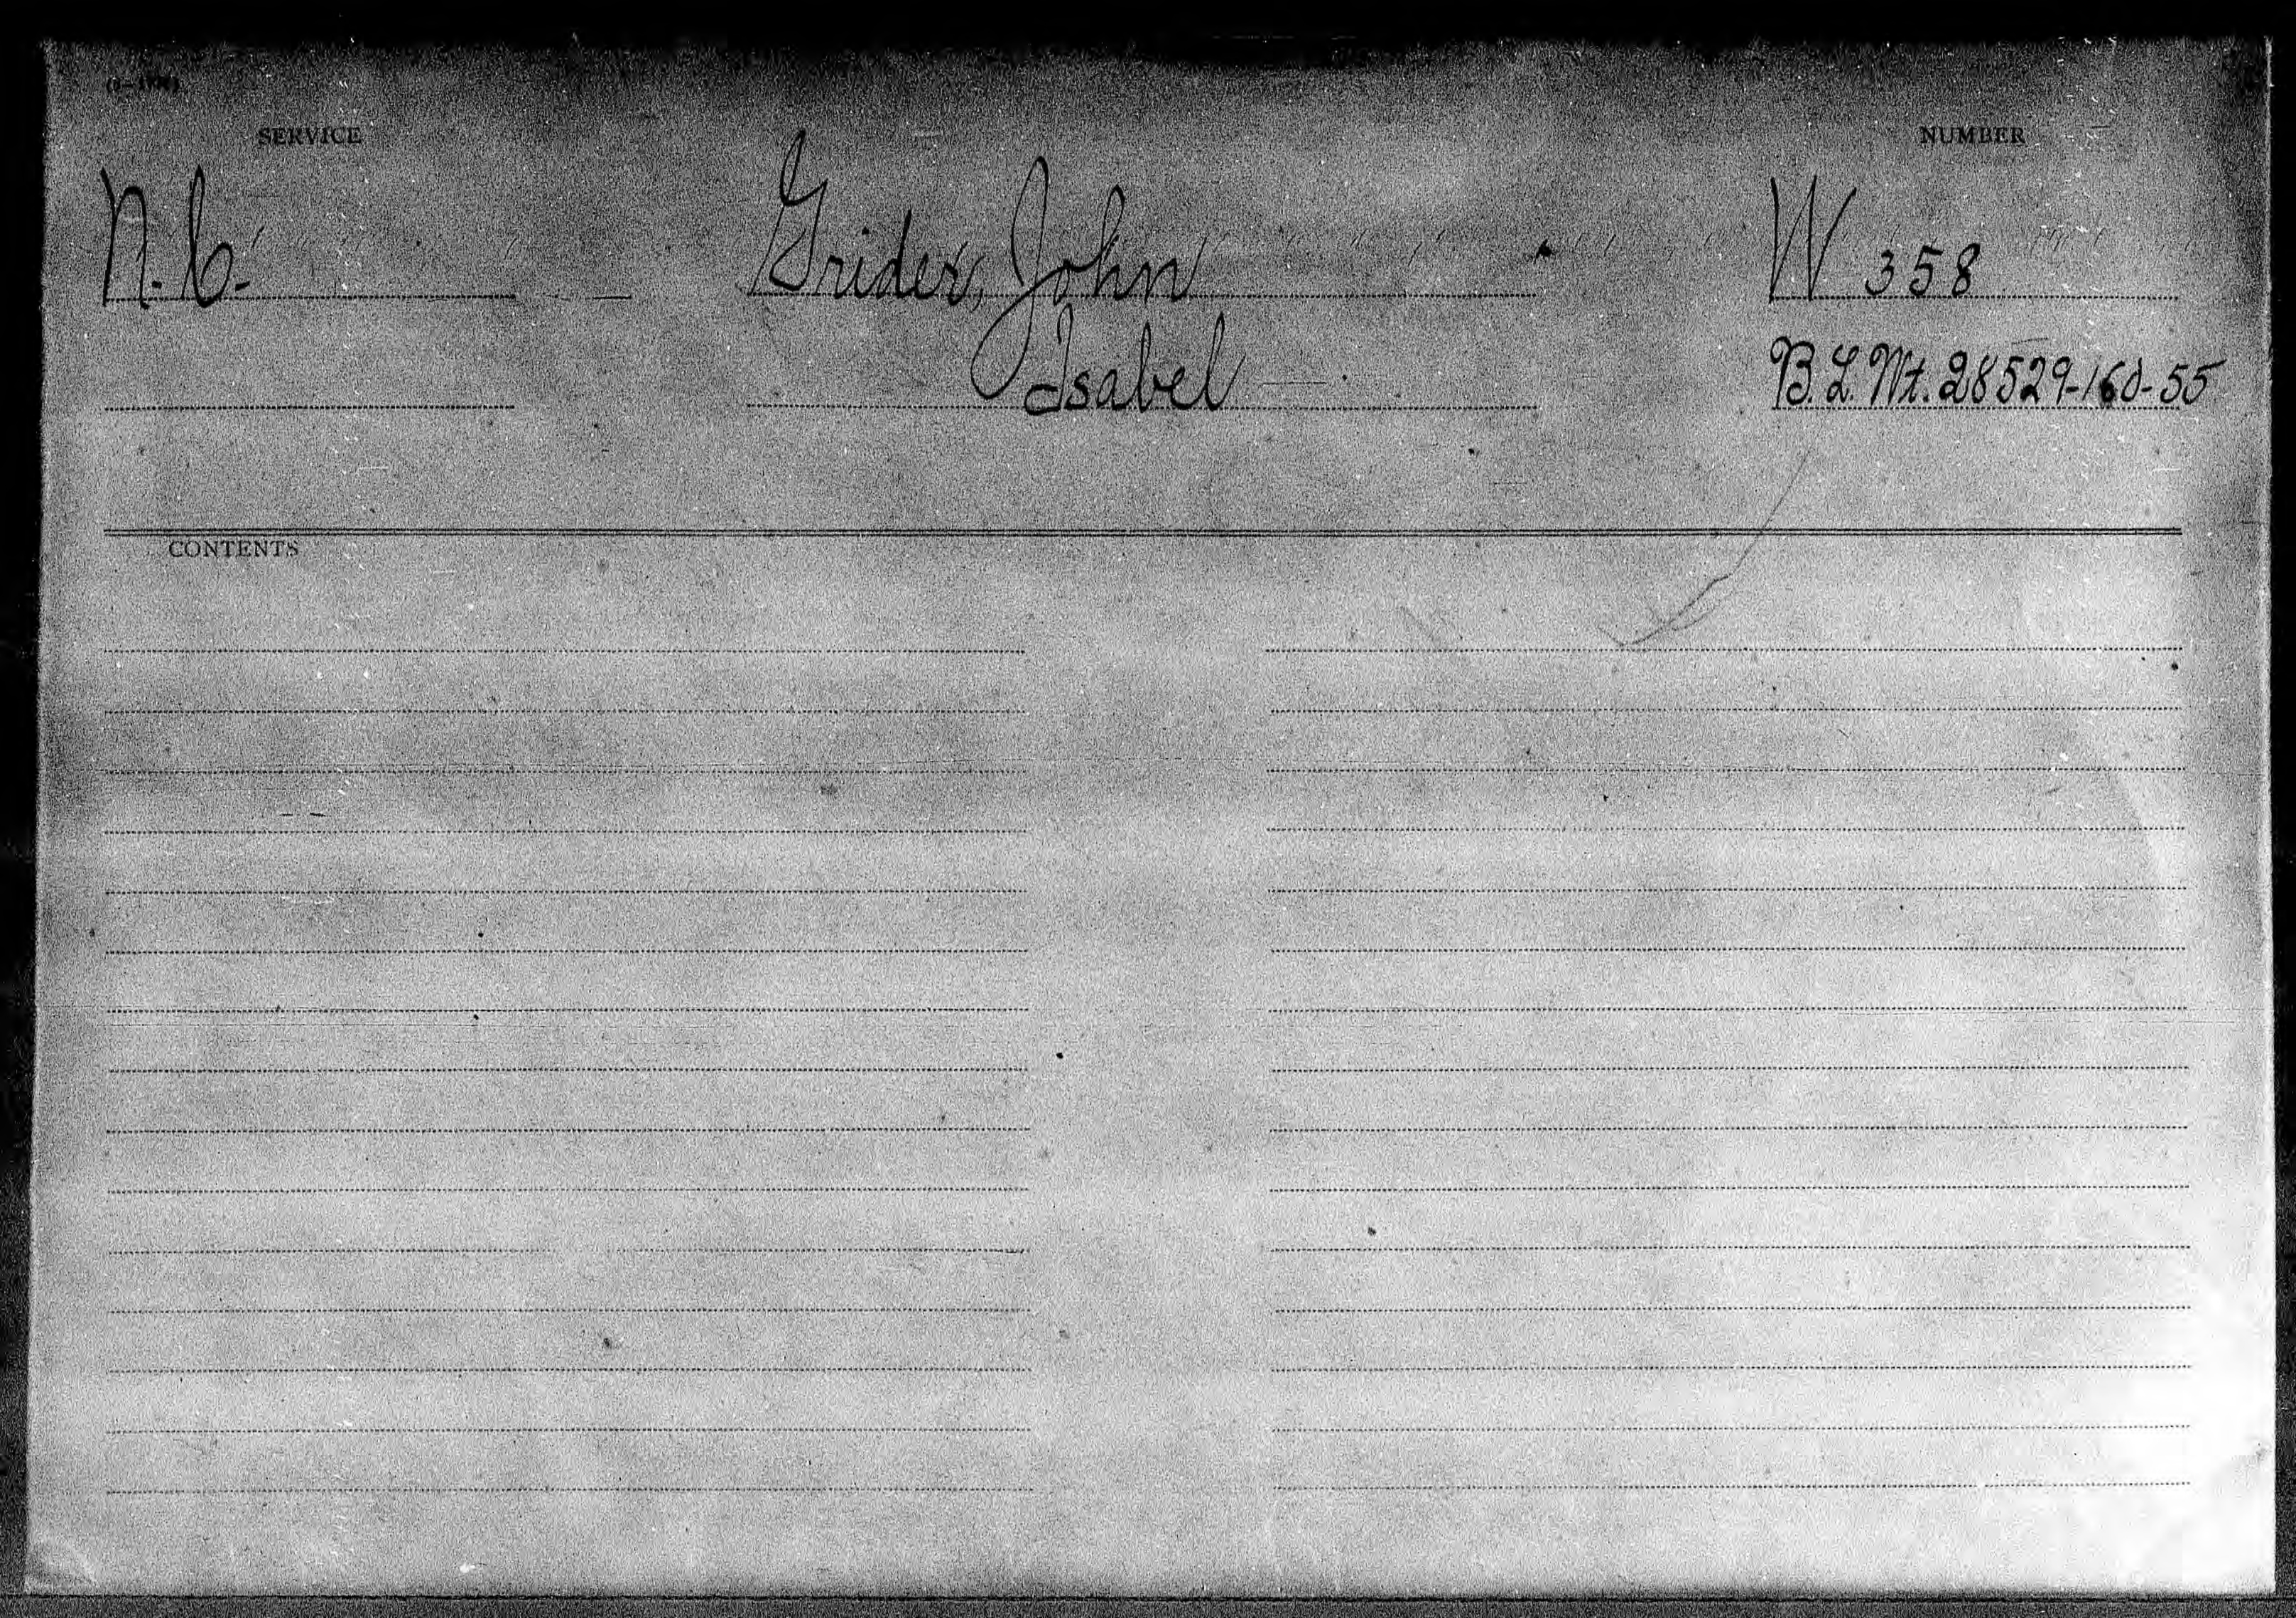N.C.             Grider, John        Number W358
                                Isabel      B.L.Wt. 28529-160-55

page: 1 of 91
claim: widow's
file: W 358, John Grider, N.C.